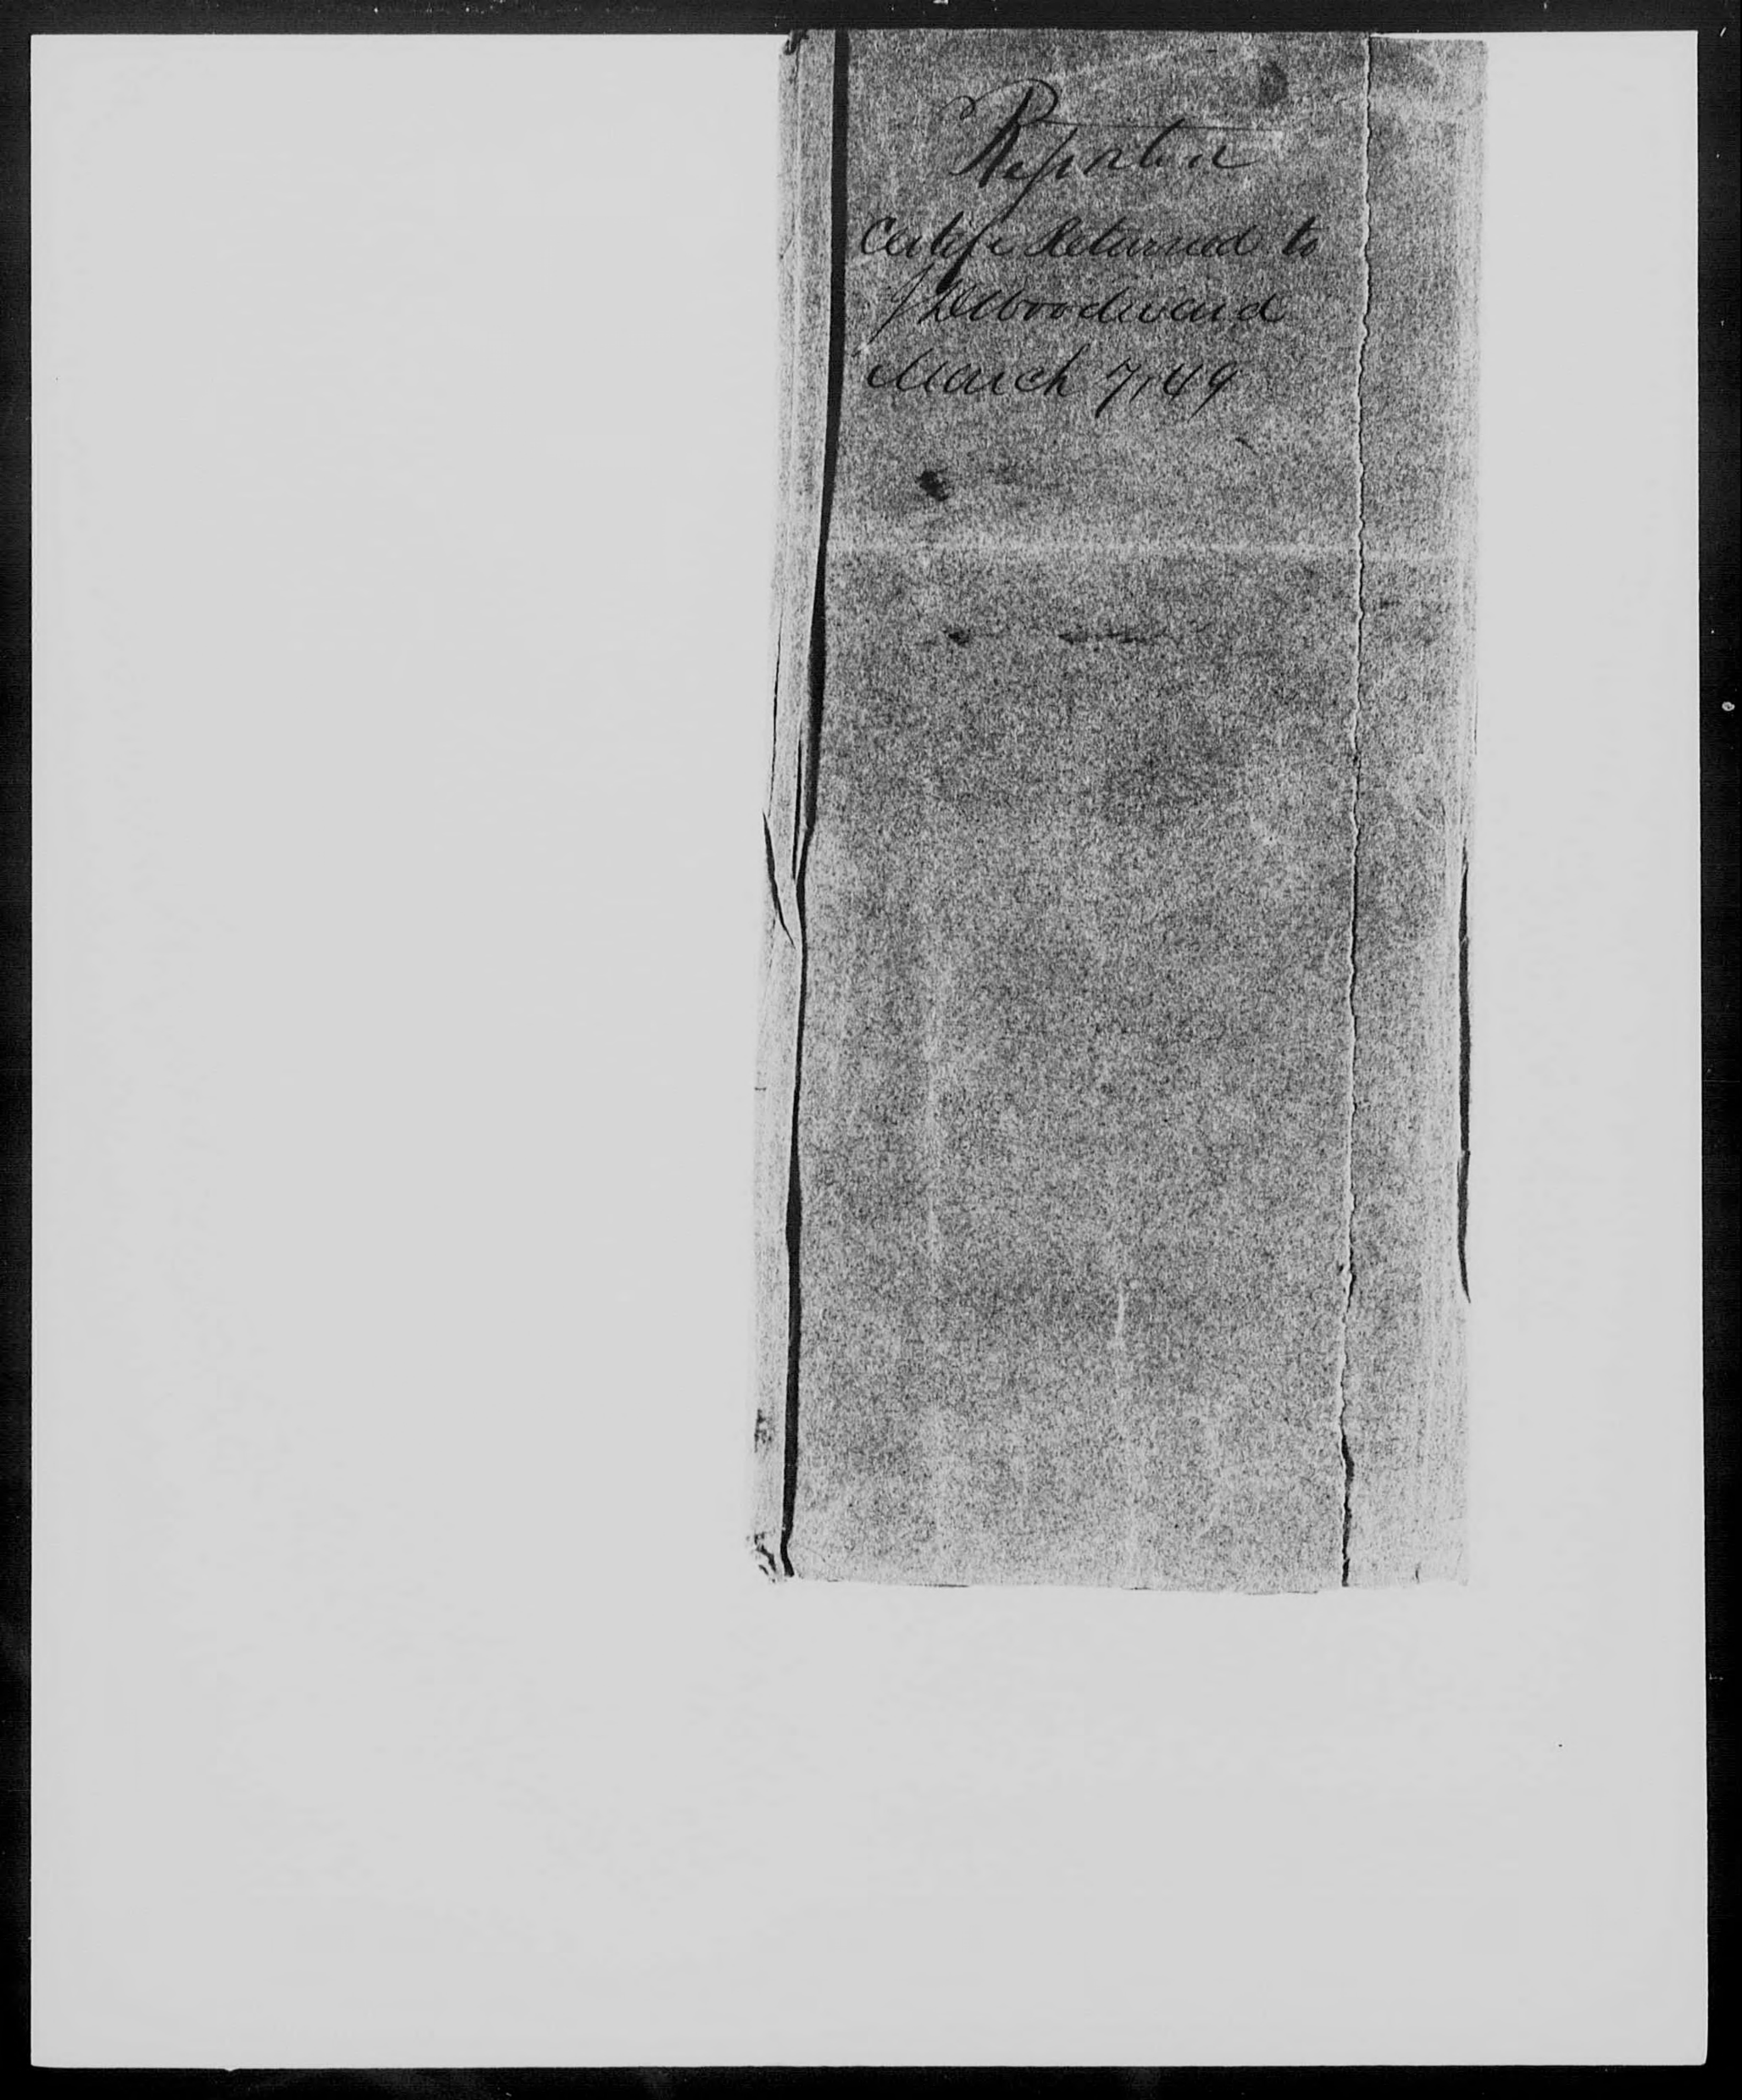Reported certifi Returned to
J D Woodward
March 7, 49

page: 24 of 50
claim: widow's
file: W. 8559, Ebenezer Ayer, Continental (Conn)